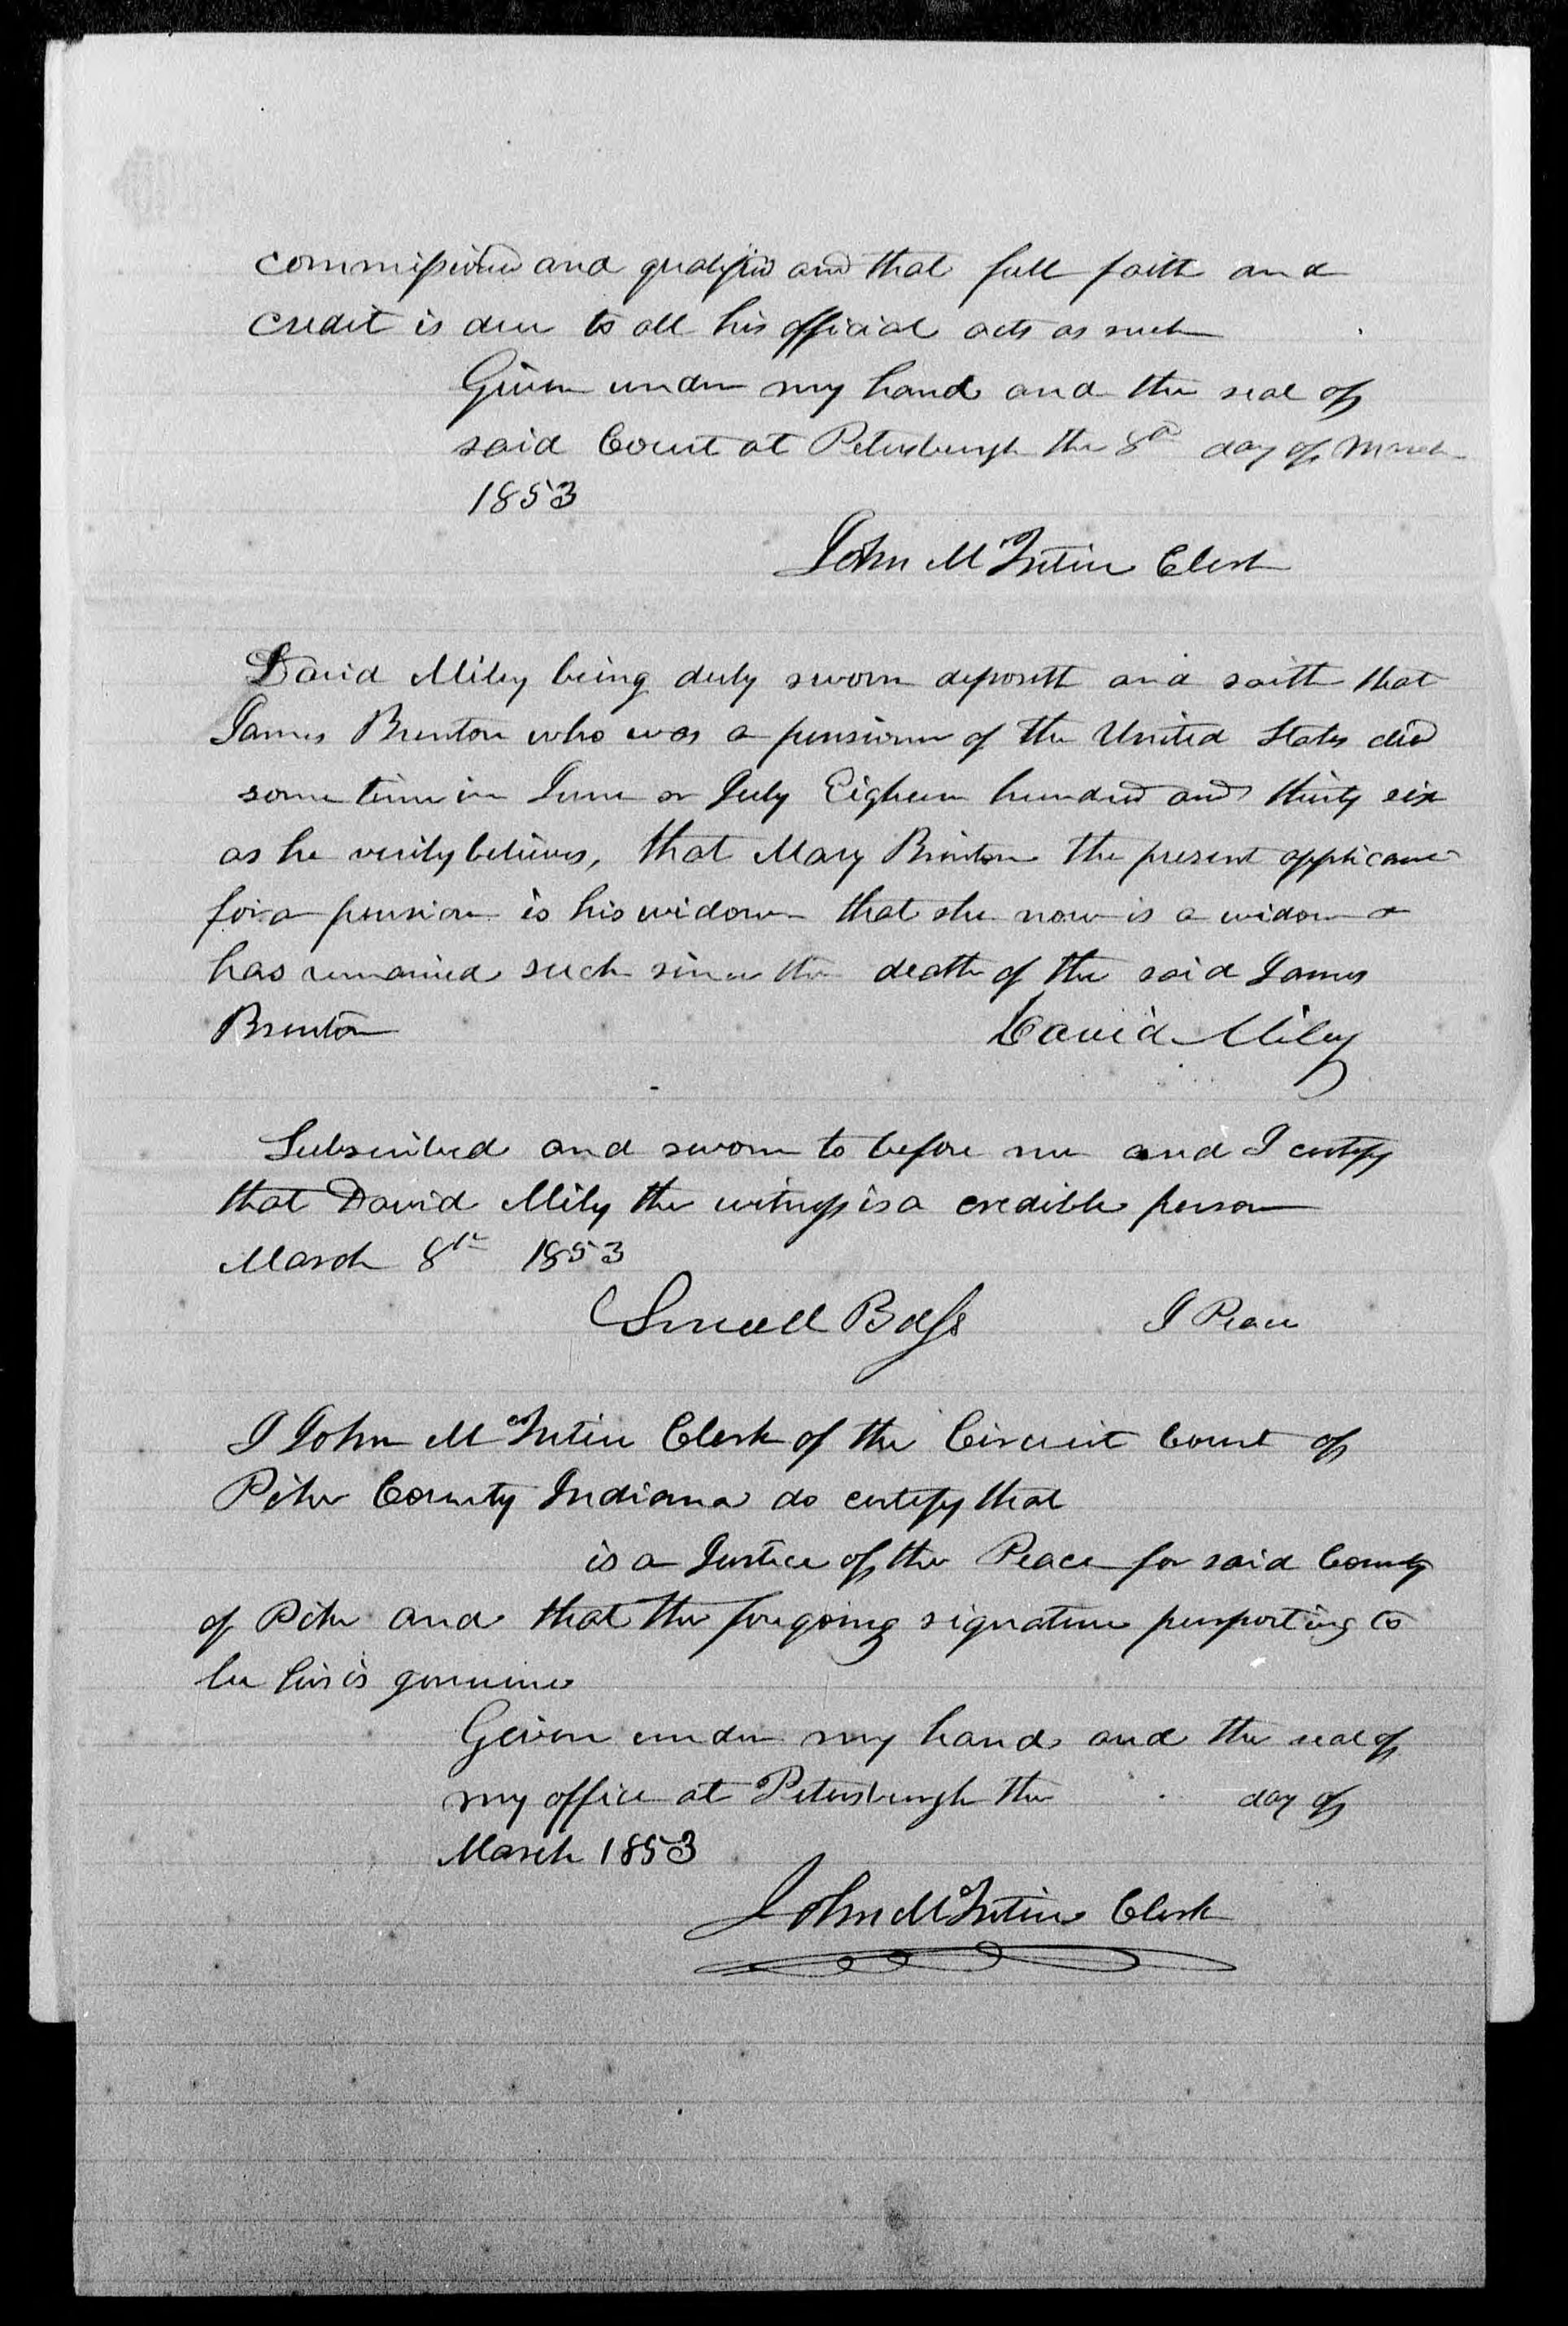commissioned and qualified and that full faith and credit is due to all his official acts as such.
Given under my hand and the seal of said Court at Petersburgh the 8th day of March 1853.
John McIntire Clerk
David Miley being duly sworn deposeth and saith that James Brenton who was a pensioner of the United States died sometime in June or July eighteen hundred and thirty six as he verily believes, that Mary Brenton the present applicant for a pension is his widow, that she now is a widow & had remained such since the death of the said James Brenton. David Miley

Subscribed and sworn to before me and I certify that David Miley the witness is a credible person March 8th 1853
Small Bass    J Peace

I John McIntire Clerk of the Circuit Court of Pike County Indiana do certify that ______ is a Justice of the Peace for said county of Pike and that the foregoing signature purporting to be his is genuine.
Given under my hand the seal of my office at Petersburgh the ---- day of Marcy 1853
John McIntire   Clerk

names: Small Bass, John Mc Intire, David Miley, John Mc Intire, John Mc Intire, James Brenton, James Brenton, Mary Brenton, David Miley, David Miley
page: 46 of 49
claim: widow's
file: W. 2518, James Brenton, Va.